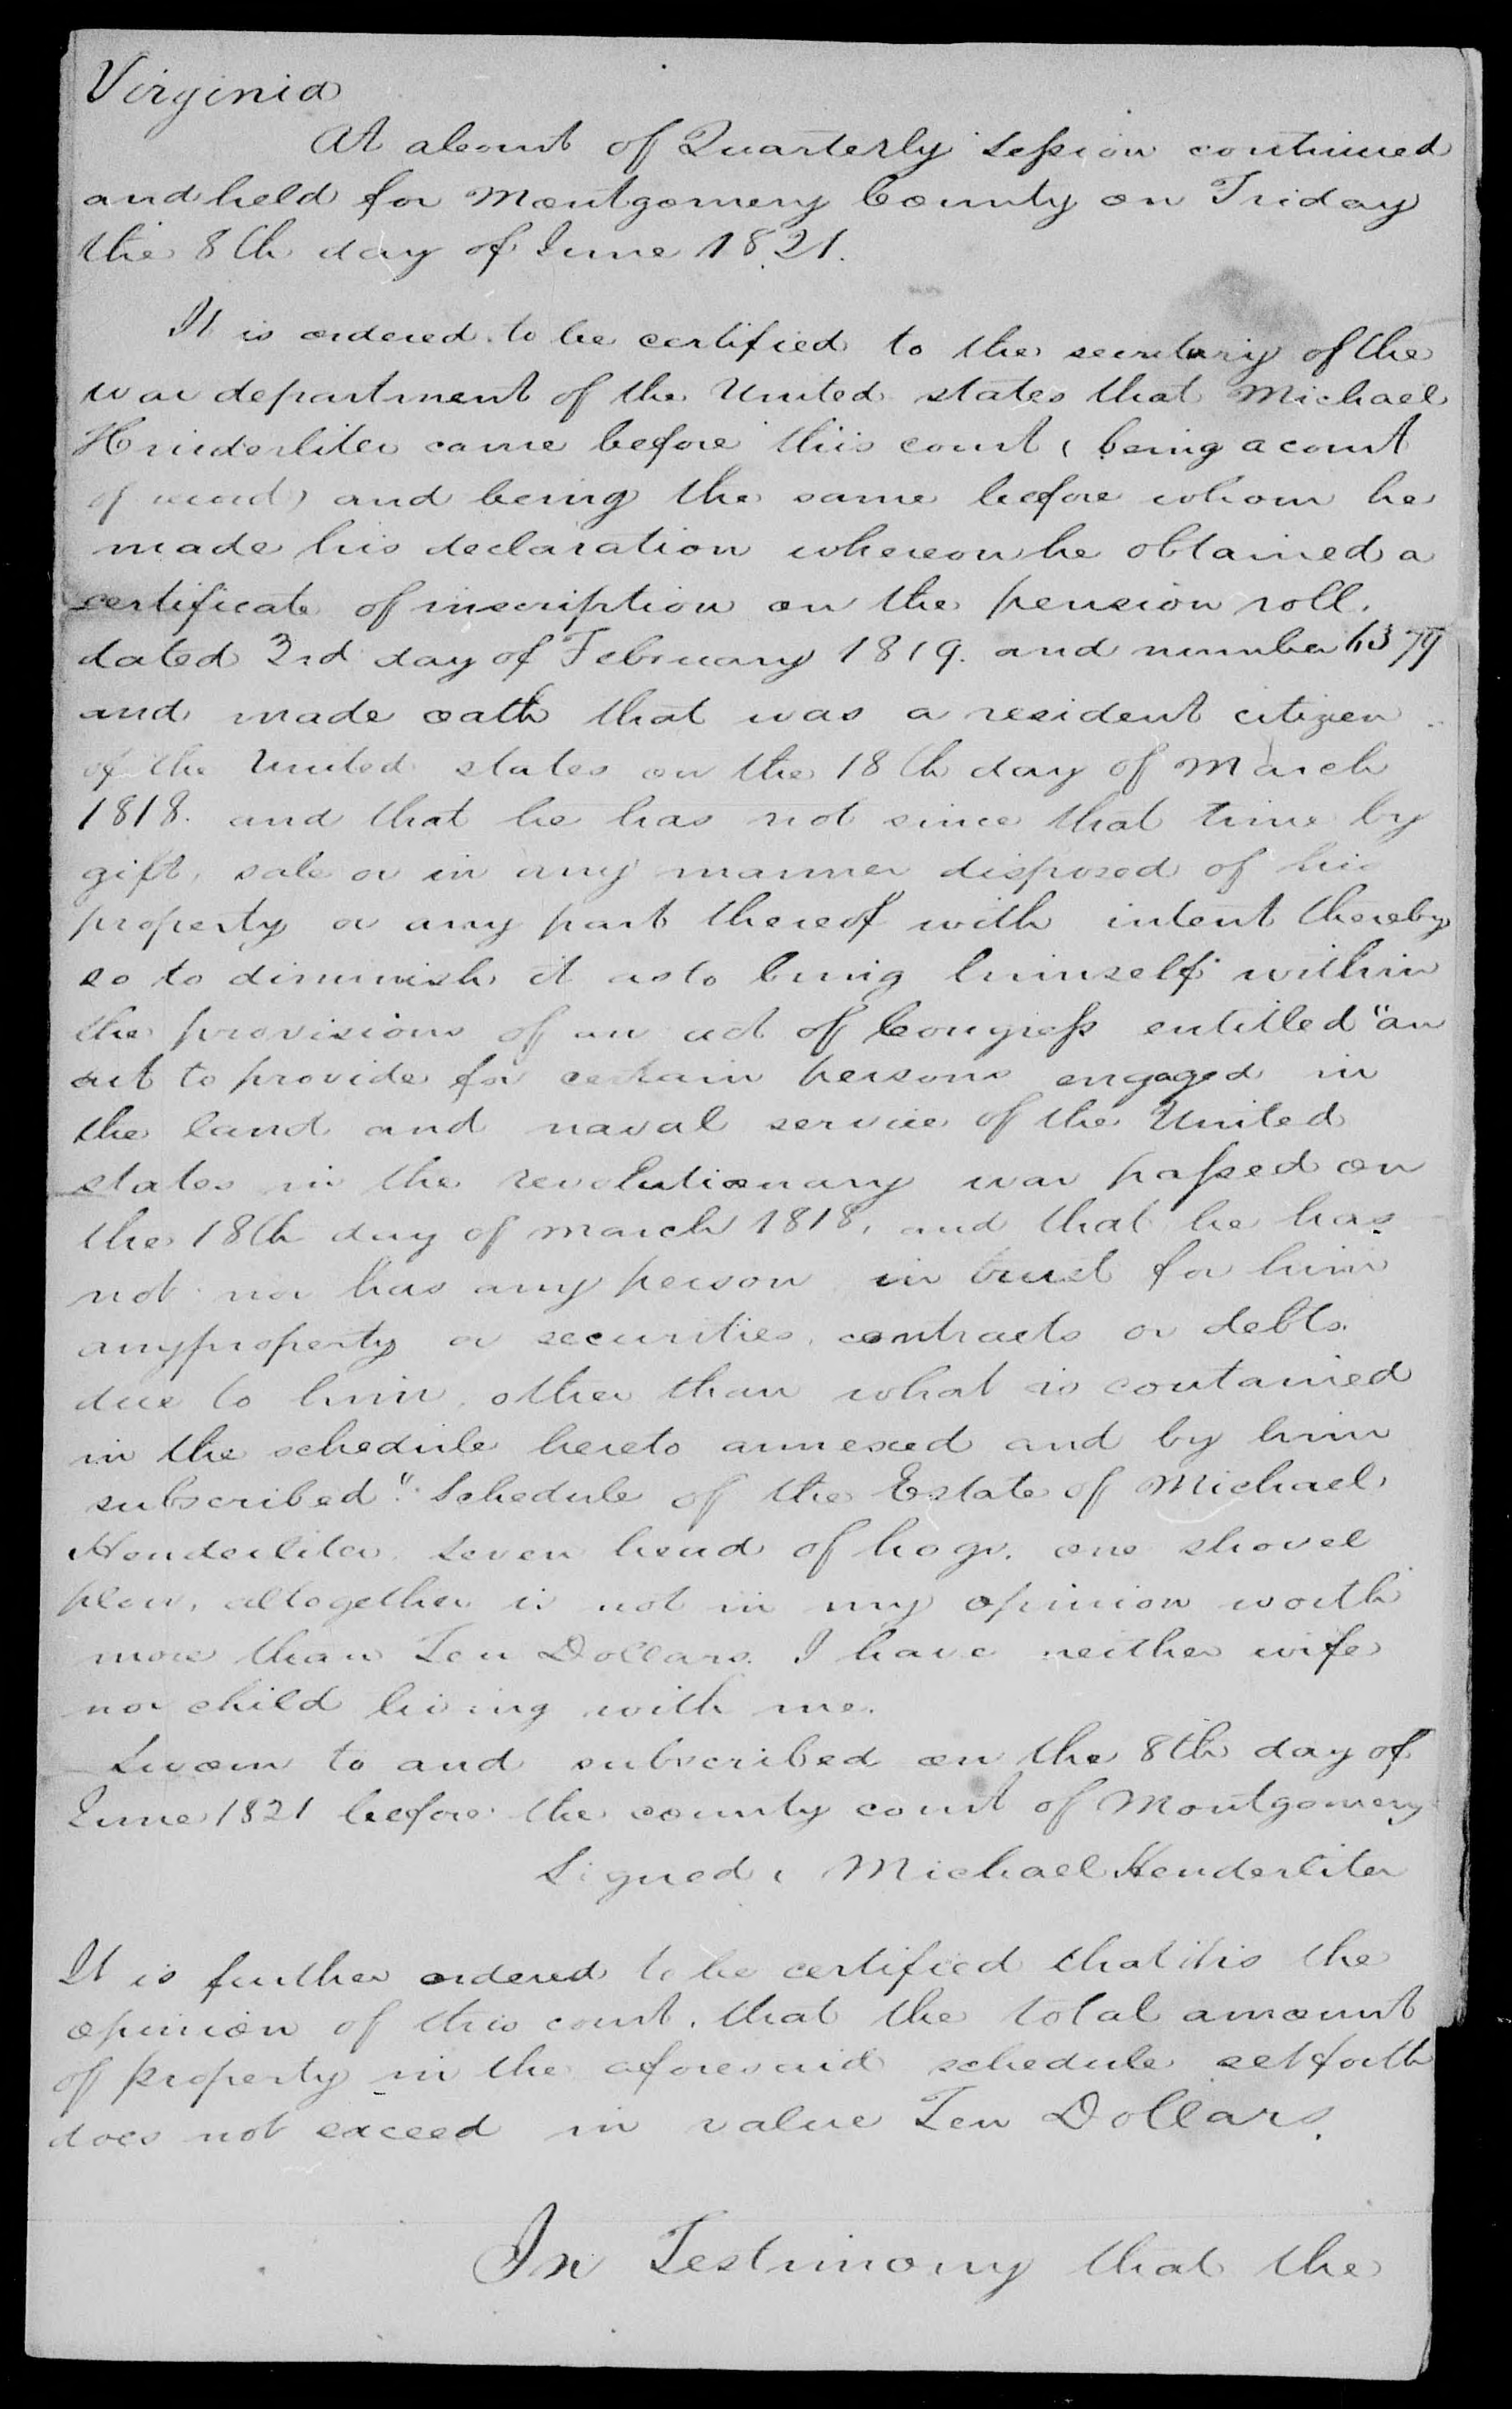Virginia
A Court of Quarterly Session continued and held for Montgomery County on Friday the 8th day of June 1821.
It is ordered to be certified to the secretary of the war department of the United States that Michael Henderliter came before this court, being a court of record, and being the same before whom he made his declaration whereon he obtained a certificate of inscription on the pension roll dated 3rd day of February 1819 and number 1,379 and made oath that was a resident citizen of the United States on the 18th day of March 1818, and that he has not since that time by gift, sale or in any manner disposed of his property or any part thereof with intent thereby so to diminish it as to bring himself within the provisions of an act of Congress entitled 'an act to provide for certain persons engaged in the land and naval service of the United States in the revolutionary war passed on the 18th day of March 1818{"}, and that he has not nor has any person in trust for him any property or securities, contracts or debts due to him other than what is contained in the schedule hereto annexed and by him subscribed.  Schedule of the Estate of Michael Henderliter seven head of hogs, one shovel plow, altogether is not in my opinion worth more than Ten Dollars.  I have neither wife nor child living with me.
Sworn to and subscribed on the 8th day of June 1821 before the county court of Montgomery
Signed, Michael Henderliter

It is further ordered to be certified that this the opinion of the court, that the total amount of property in the aforesaid schedule set forth does not siceed (sic) in value Ten Dollars.
In Testimony that the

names: Michael Henderliter, Michael Henderliter, Michael Henderliter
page: 10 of 15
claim: survivor's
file: S. 38016, Michael Henderliter, Penn.